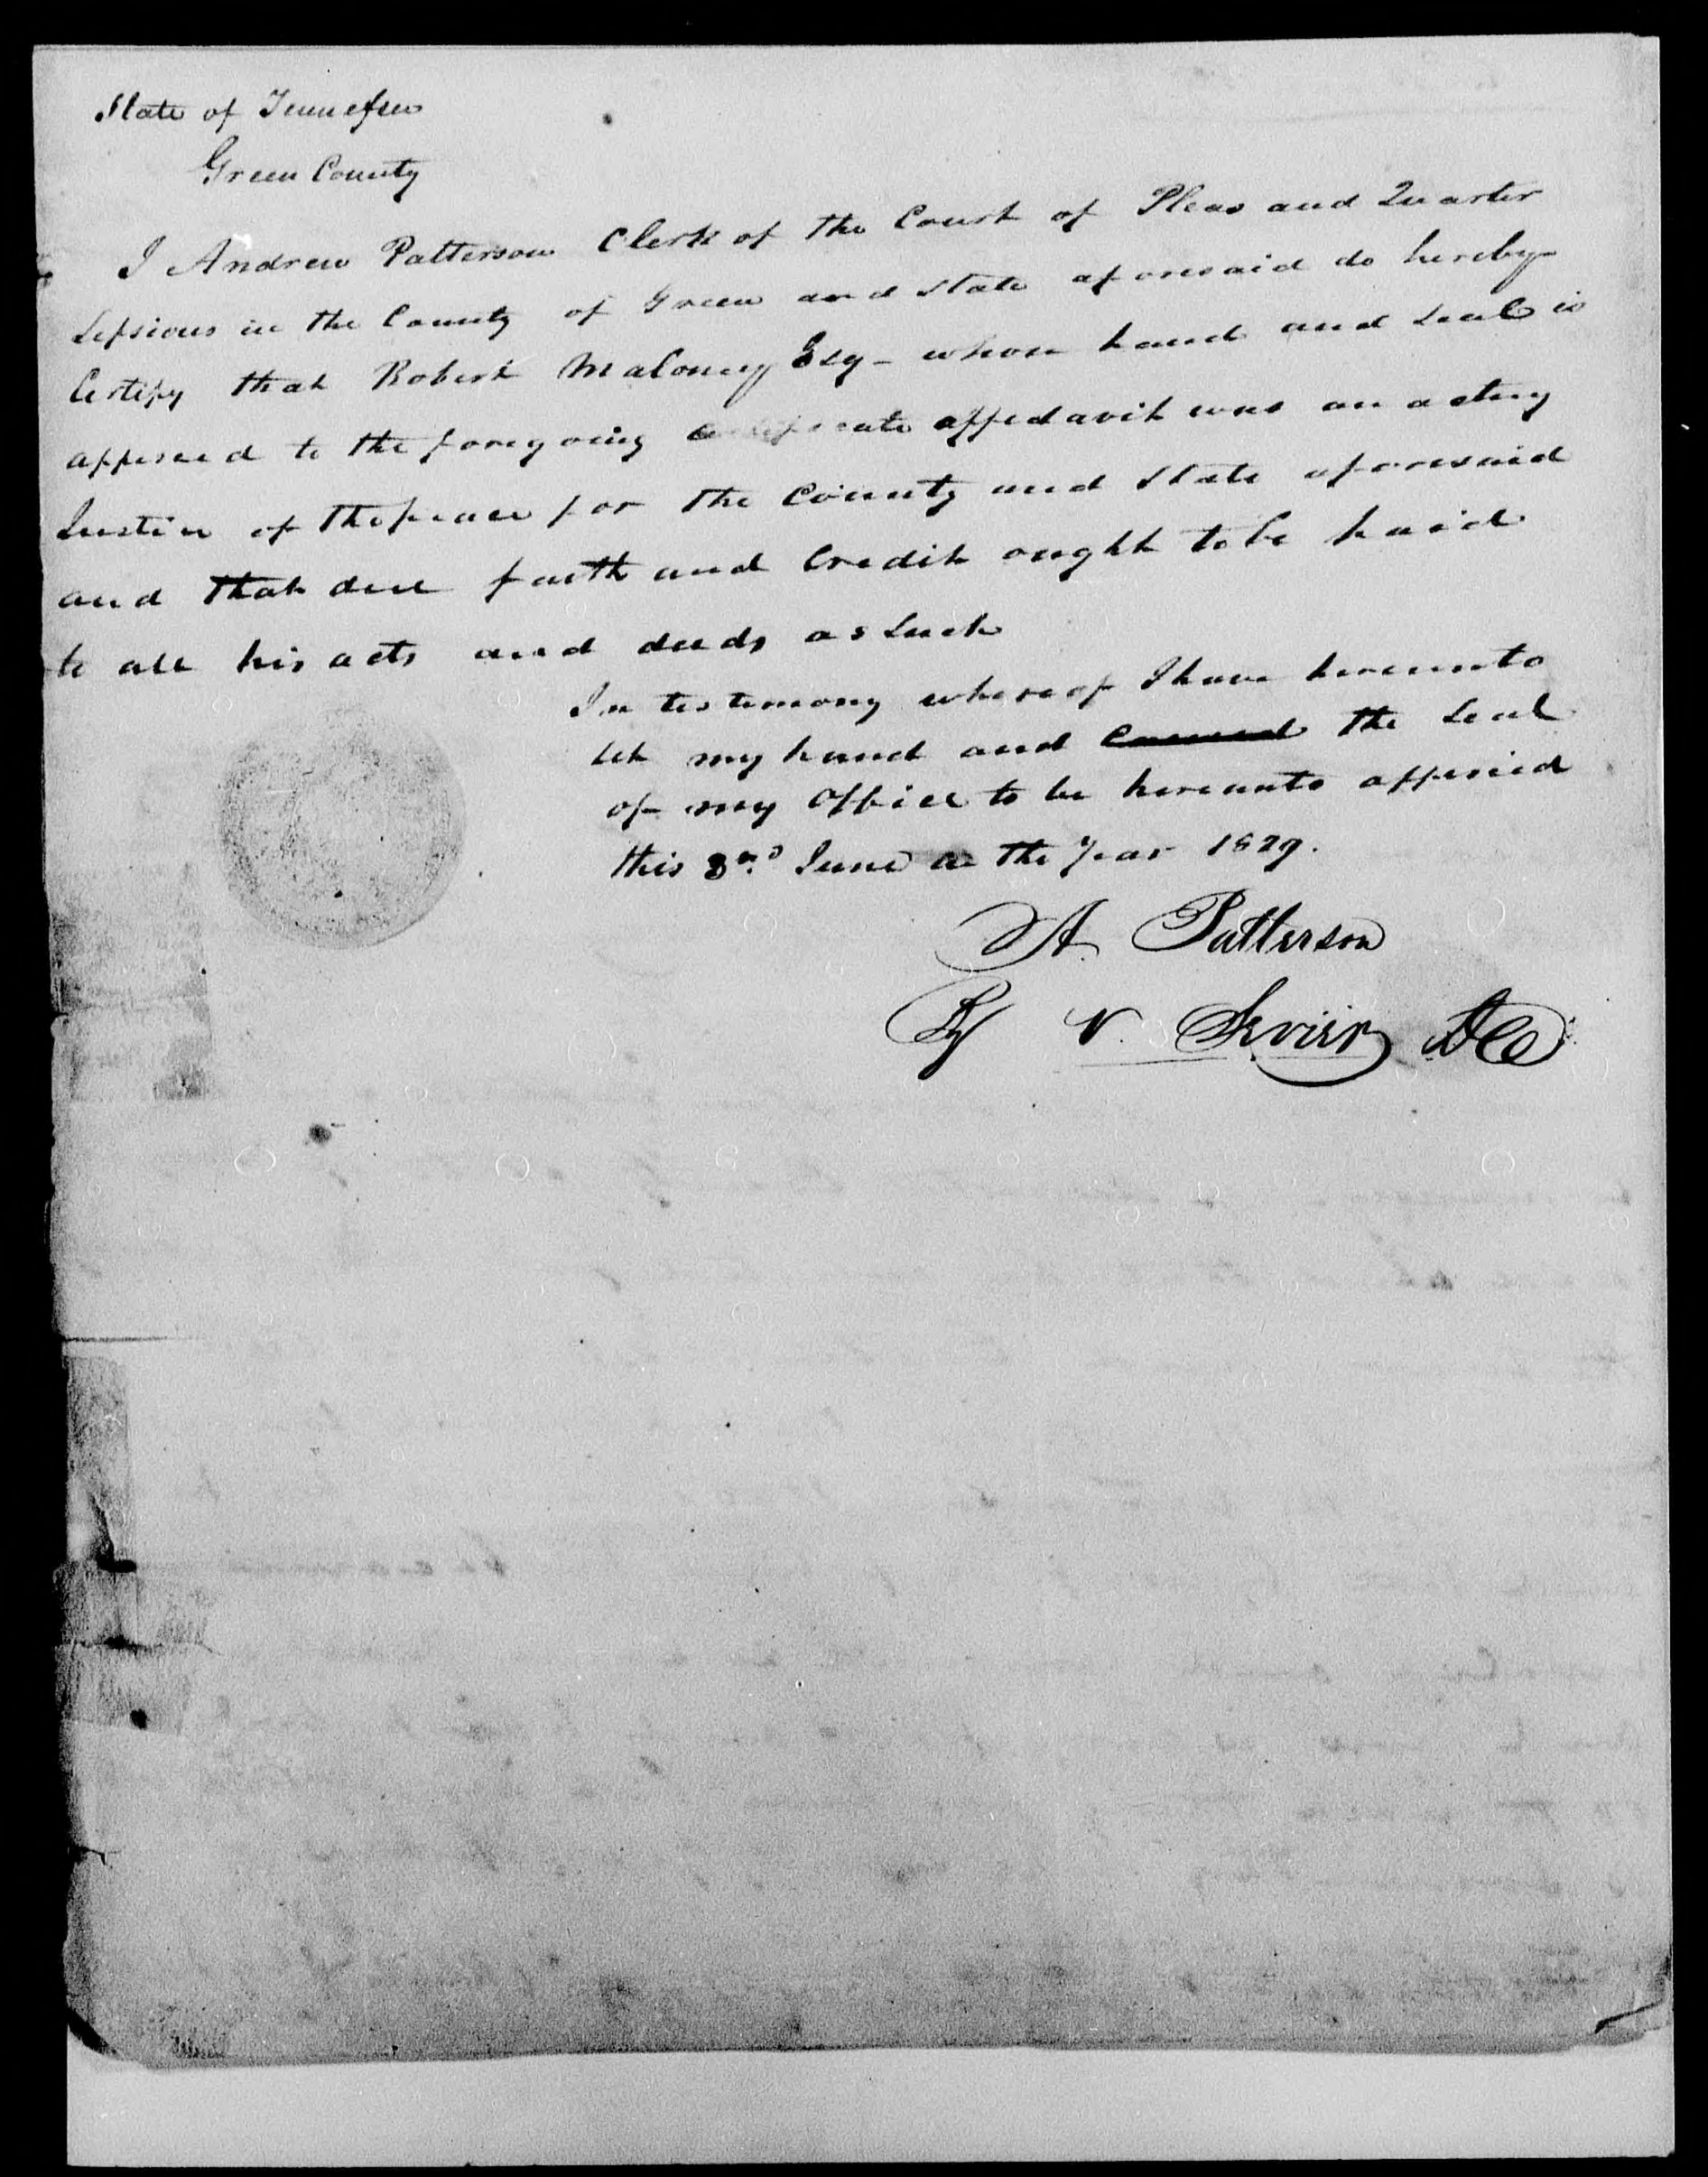State of Tennessee
Green County

I Andrew Patterson Clerk of the Court of Please and Quarter Sessions in the County of Green and State aforesaid do hereby certify that Robert Maloney Eqr – whose hand and seal is affixed to the foregoing certificate affidavit was an acting Justice of the peace for the county and state aforesaid and that due fourth and credit ought to be paid to all his acts and deeds as such

Seal

In testimony where of I have hereunto set my hand and caused the seal of my office to be hereunto affixed this 3rd June in the year 1829

A. Patterson
By V. Sevier DC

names: Robert Maloney, Andrew Patterson, A Patterson, V Sevier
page: 22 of 47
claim: survivor's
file: S. 3102, Frederick Burket, Va.